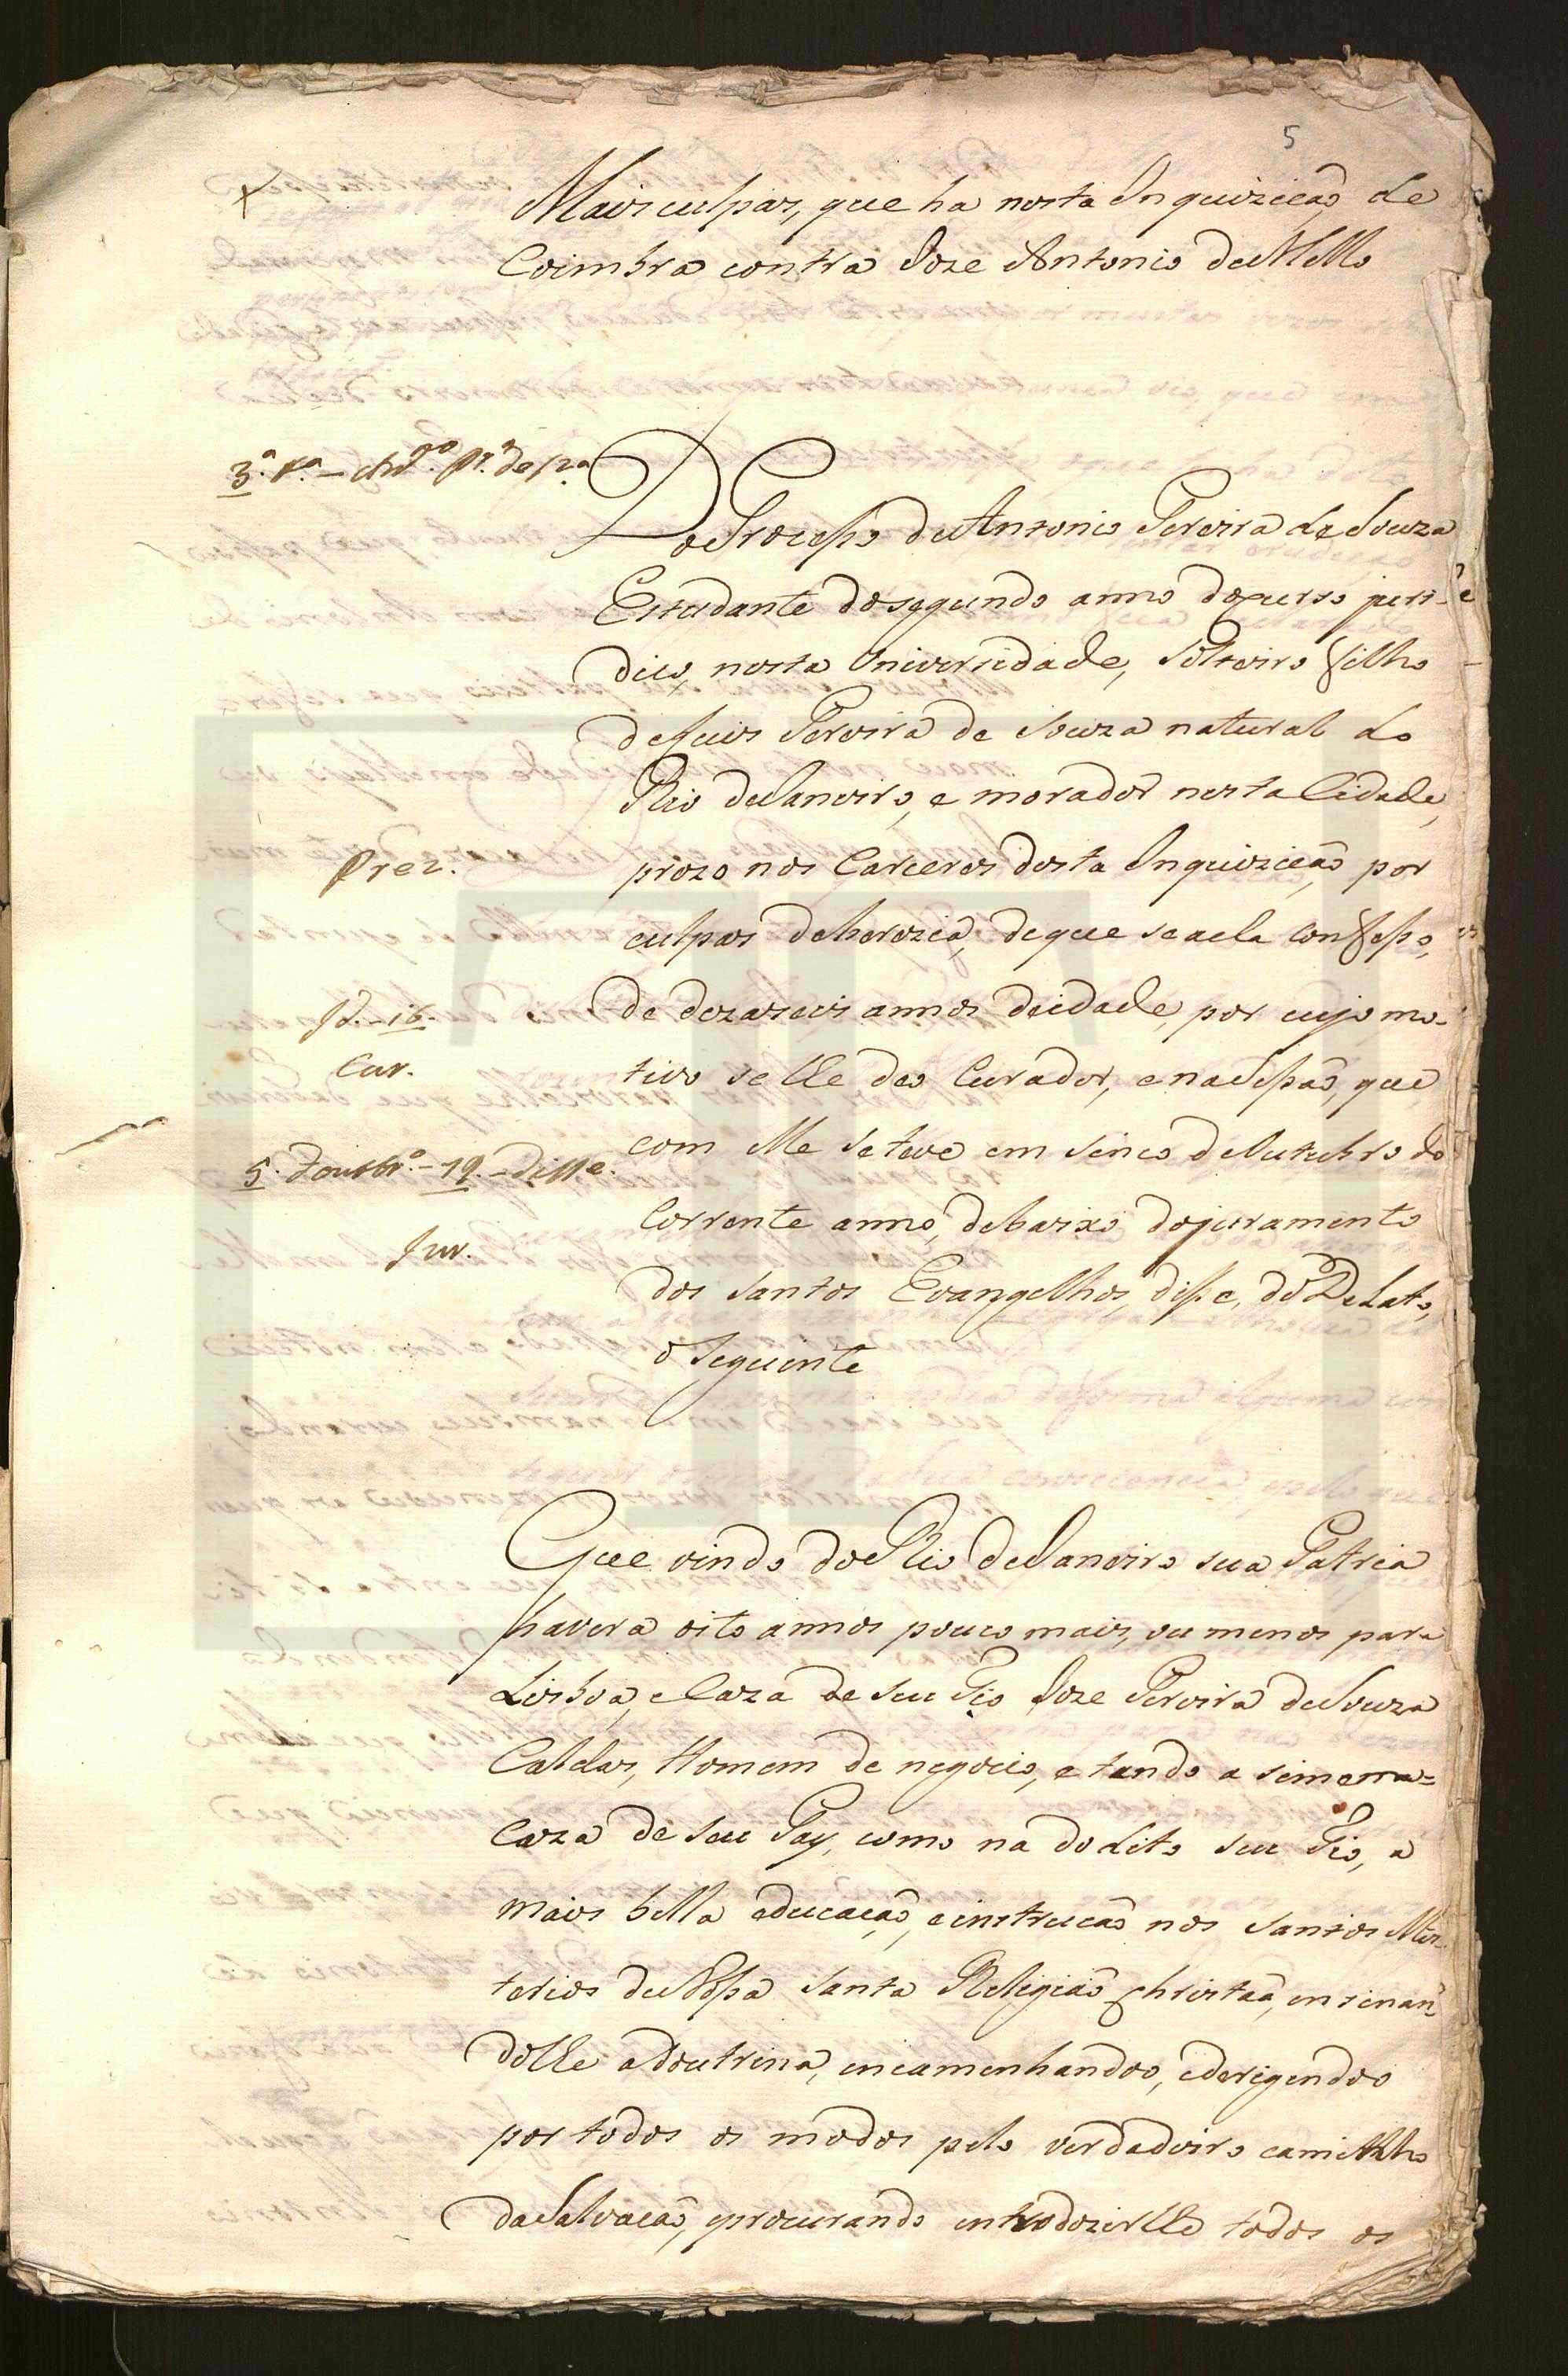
Mais culpas, que ha nesta Inquiziçaõ de
Coimbra contra Ioze Antonio de Mello
3.a t.a - Anto. Pr. de sza
Do Prozesso de Antonio Pereira de Souza
Estudante do segundo anno do Curso juri
dico, nesta Universidade, solteiro filho
de Luis Pereria de souza natural do
Rio de Ianeiro, e morador nesta Cidade,
prezo nos Carceres desta Inquizição por
Prez.
culpas de herezia, de que se acha confesso,
de dezaseis annos de idade, por cujo mo
Jd. - i6-
Car.
tivo se lhe deo Curador, e na sessaõ, que
com elle se teve em sinco de Outubro do
5. d̄outubr.o - 19.-disse
corrente anno, debaixo do juramento
Iur.
dos santos Evangelhos, disse, do Delato,
o seguinte
Que vindo do Rio de Ianeiro sua Patria
havera oito annos pouco mais, ou menos para
Lisboa, e Caza de seu Tio Ioze Pereira de Souza
Caldas, Homem de negocio, e tendo asim ema
caza de seu Pay, como na do dito seu Tio, a
mais bella educaçaõ, e instrucão nos santos Miz
terios de Nossa santa Religiaõ Christaã, ensinan
dolhe a doutrina, encamenhandoo, e derigendoo
por todos os modos pelo verdadeiro caminho
da Salvacaõ, e procurando entrodozirlhe todos os
